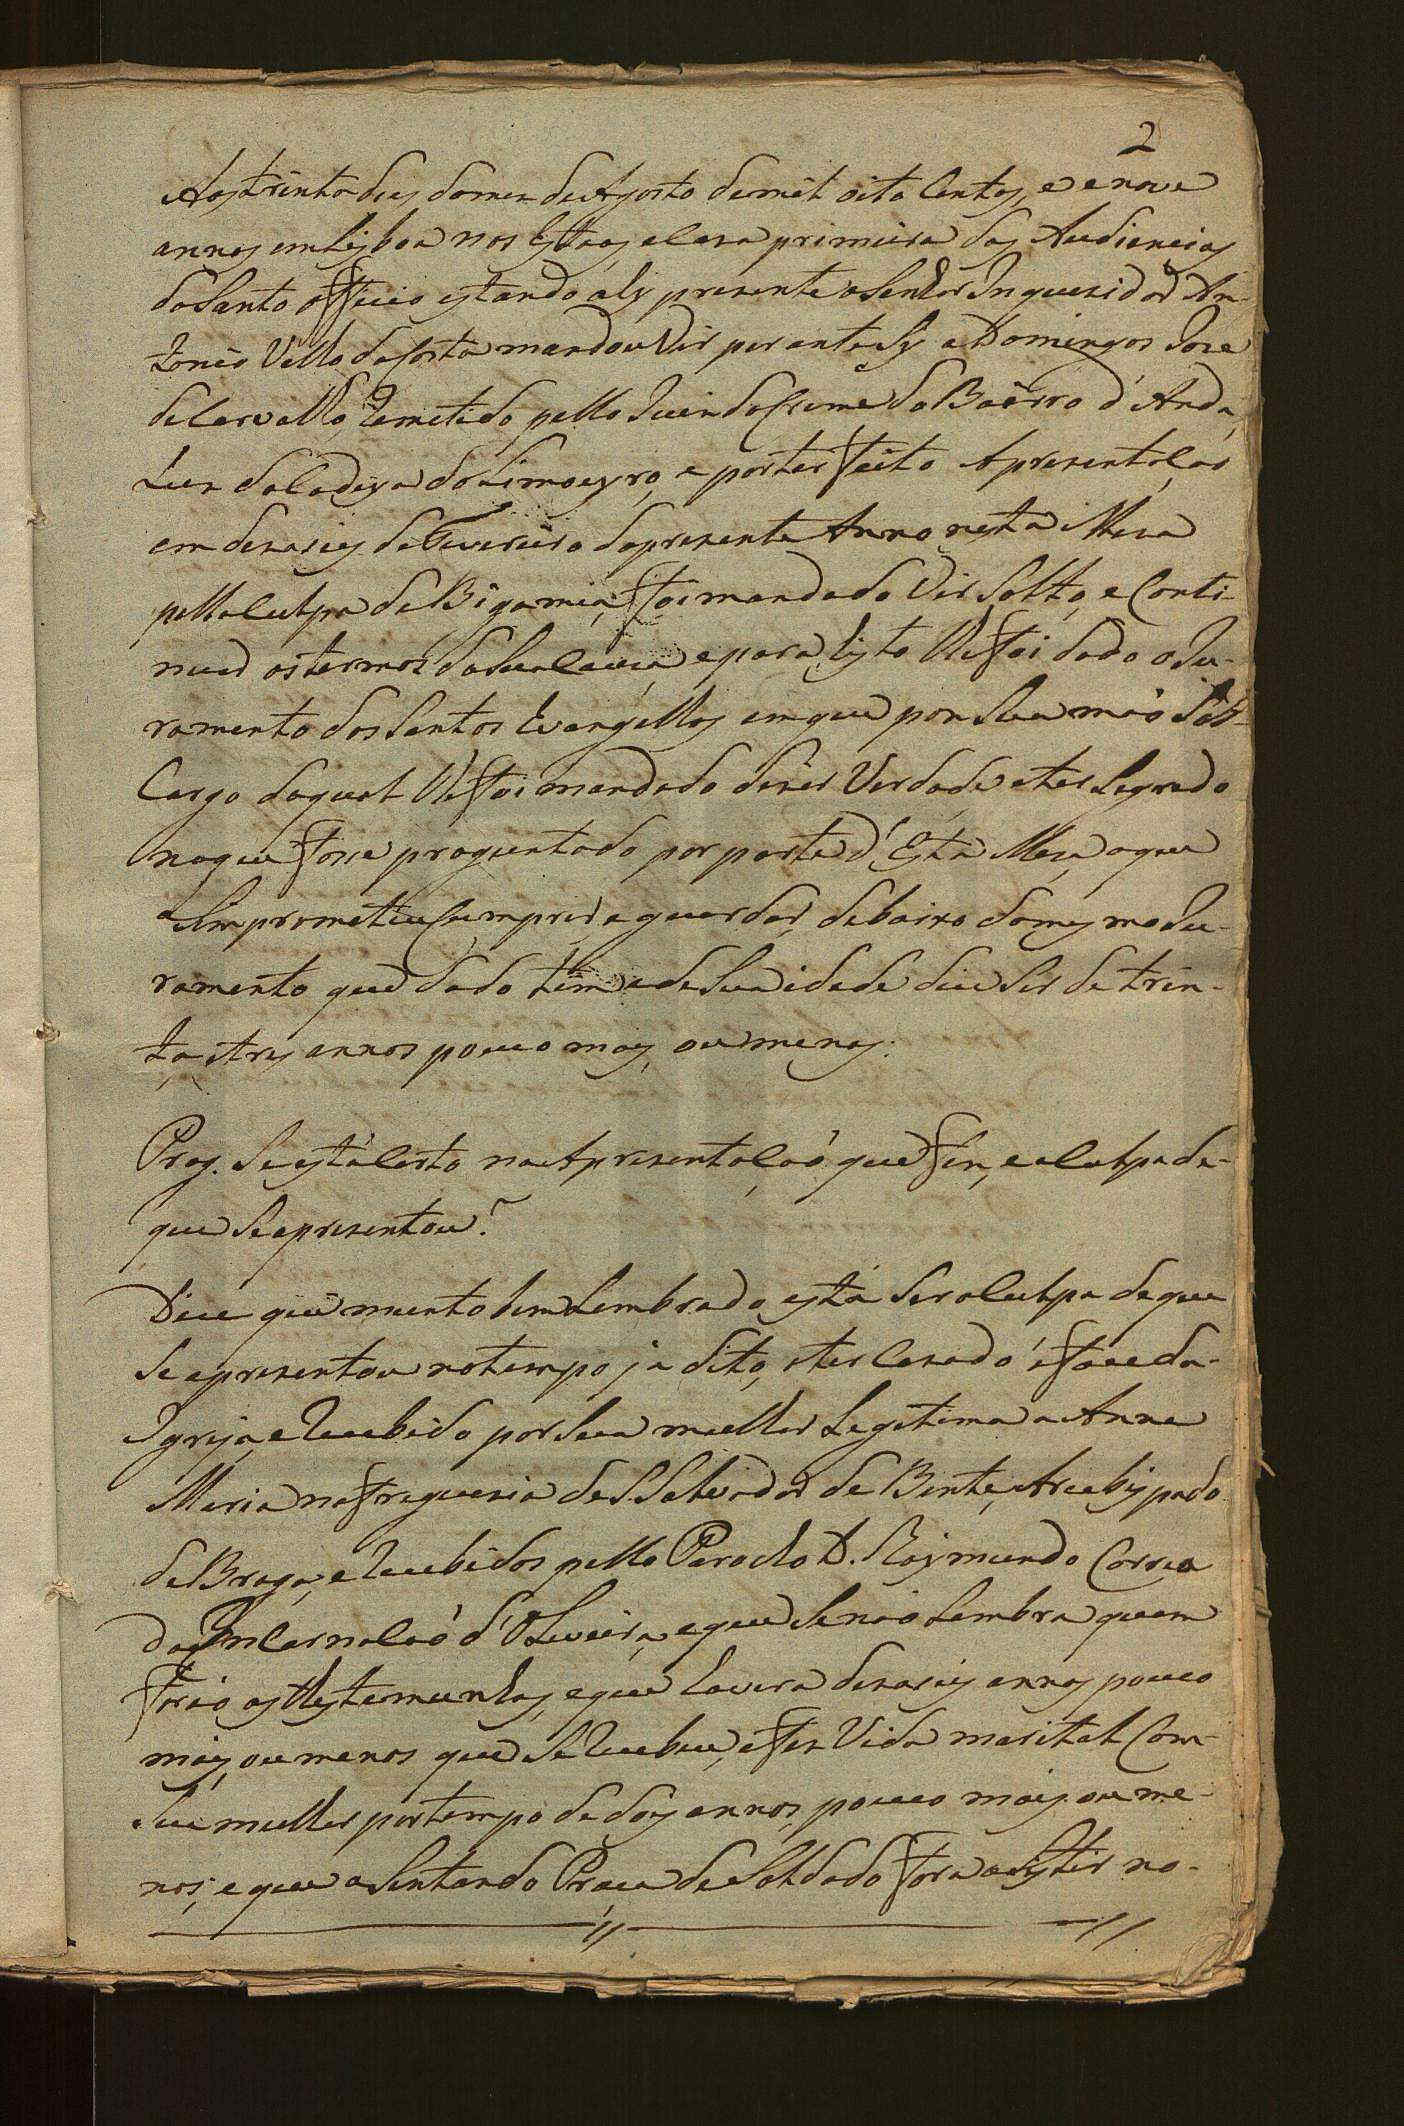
2
Aos trinta dias do mez de Agosto de mil oitoCentos, e e nove
annos em Lisboa nos Estaos, e Caza primeira das Audiencias
do Santo officio estando ahy prezente o Senhor Inquizidor An
tonio Velho da Costa mandou Vir perante Sy a Domingos Ioze
de Carvalho, Remetido pello Iuiz do Crime do Bairro d'Anda
Luz da Cadeya do Limoeyro, e por ter feito Aprezentaçaõ
em dezaseis de Fevereiro do prezente Anno nesta Meza
pella Culpa de Bigamia, foi mandado Vir Solto, e Conti
nuar os termos da Sua Cauza e para histo lhe foi dado o Iu
ramento dos Santos Evangelhos em que poz a sua maõ sob
Cargo do qual lhe foi mandado dizer Verdade e ter segredo
no que fosse proguntado por parte d'Esta Meza, o que
asim prometeu Cumprir, e guardar, debaixo do mesmo Iu
ramento que dado tem e da sua idade dice ser de trin
ta e tres annos pouco mais, ou menos.
Prog. se está Certo na AprezentaÇaõ que fez, e a Culpa de
que se aprezentou?
Dice que munto bem Lembrado está ser a Culpa de que
se aprezentou no tempo ja dito, e ter Cazado ē face da
Igreja, e Recebido por Sua mulher Legitima a Anna
Maria na freguezia de S. Salvador de Bante, Arcebispado
de Braga, e Recebidos pello Parocho D. Raymundo Correa
da JnCarnaÇaõ d'OLiveira, e que se naõ Lembra quem
foraõ as thestemunhas, e que havera dezaseis annos pouco
mais, ou menos que se Recebeu, e fez Vida marital Com
sua mulher por tempo de dois annos, pouco mais ou me
nos; e que aSentando Praça de Soldado fora asistir no
